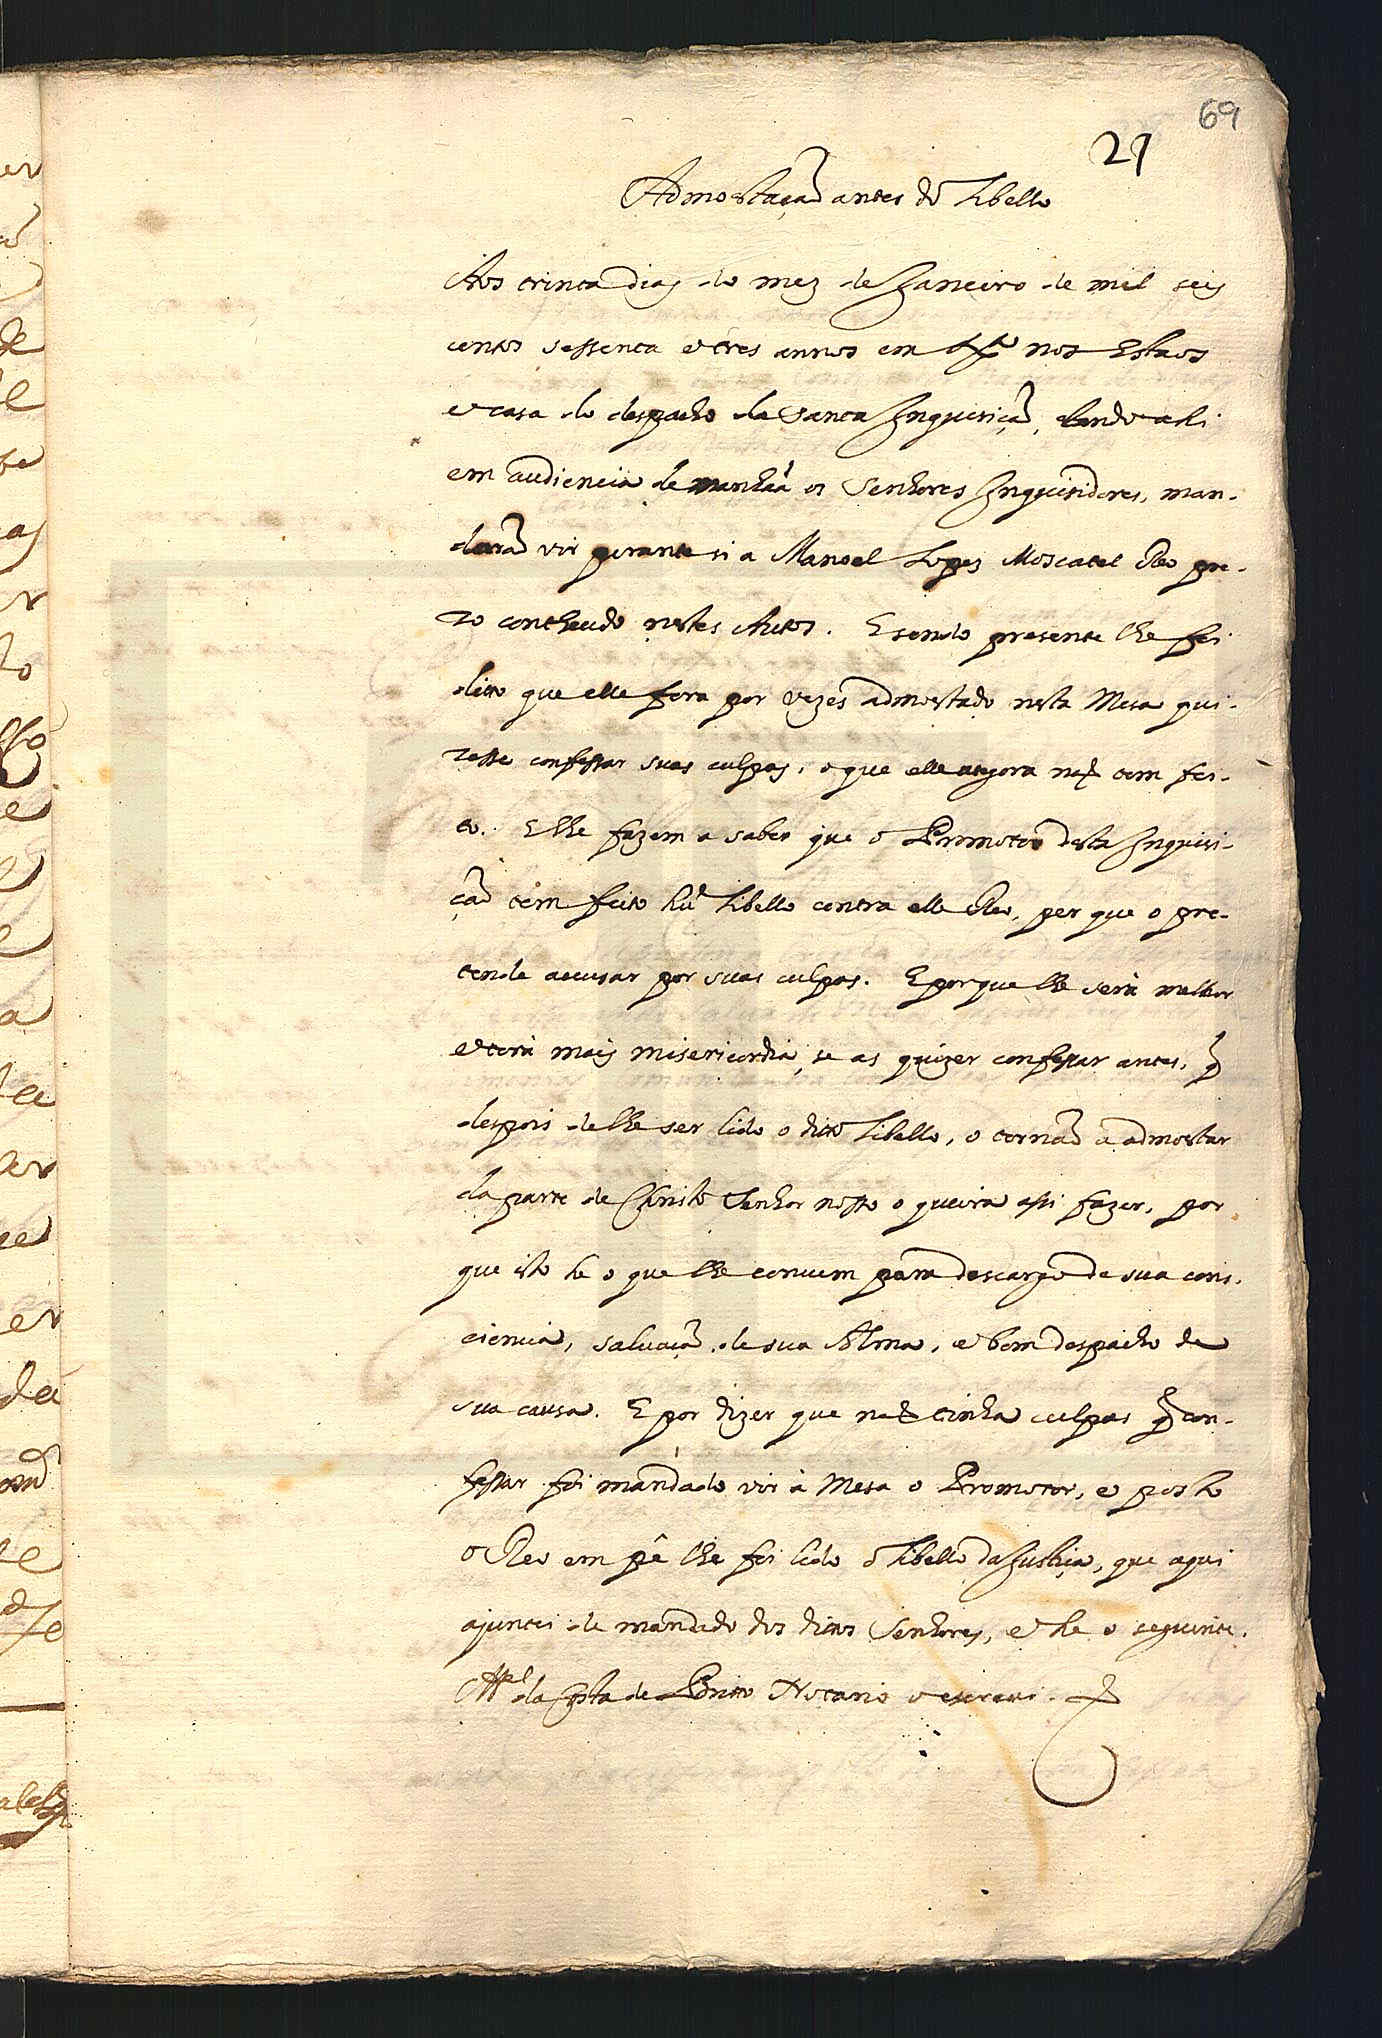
Admoestação antes do Libello
Aos trinta dias do mez de Janeiro de mil seis
centos sessenta e tres annos em Lxa nos Estaos
e casa do despacho da Santa Jnquisição, estando ahi
em audiencia de manhaā os Senhores Jnquisidores, man
darão vir perante si a Manoel Lopez Moscatel Reo pre
zo contheudo nestes Autos. E sendo presente lhe foi
ditto que elle fora por vezes admoestado nesta Mesa qui
zesse confessar suas culpas, o que elle ate gora naõ tem fei
to. E lhe fazem a saber que o Promotor desta Jnqui
ção tem feito hū Libello contra elle Reo, per que o pre
tende accusar por suas culpas. E porque lhe serà melhor
e terà mais misericordia, se as quizer confessar antes, q̄
despois de lhe ser lido o dito Libello, o tornão a admoestar
da parte de Christo Senhor nosso o queira assi fazer, por
que isto he o que lhe conuem para descargo de sua cons
ciencia, saluação de sua Alma, e bom despacho de
sua causa. E por dizer que naõ tinha culpas q̄ con
fessar foi mandado vir à Mesa o Promotor, e posto
o Reo em pê lhe foi lido o Libello da Justiça, que aqui
ajuntei de mandado dos dittos Senhores, e he o seguinte.
Mel da Costa de Britto Notario o escreui.
